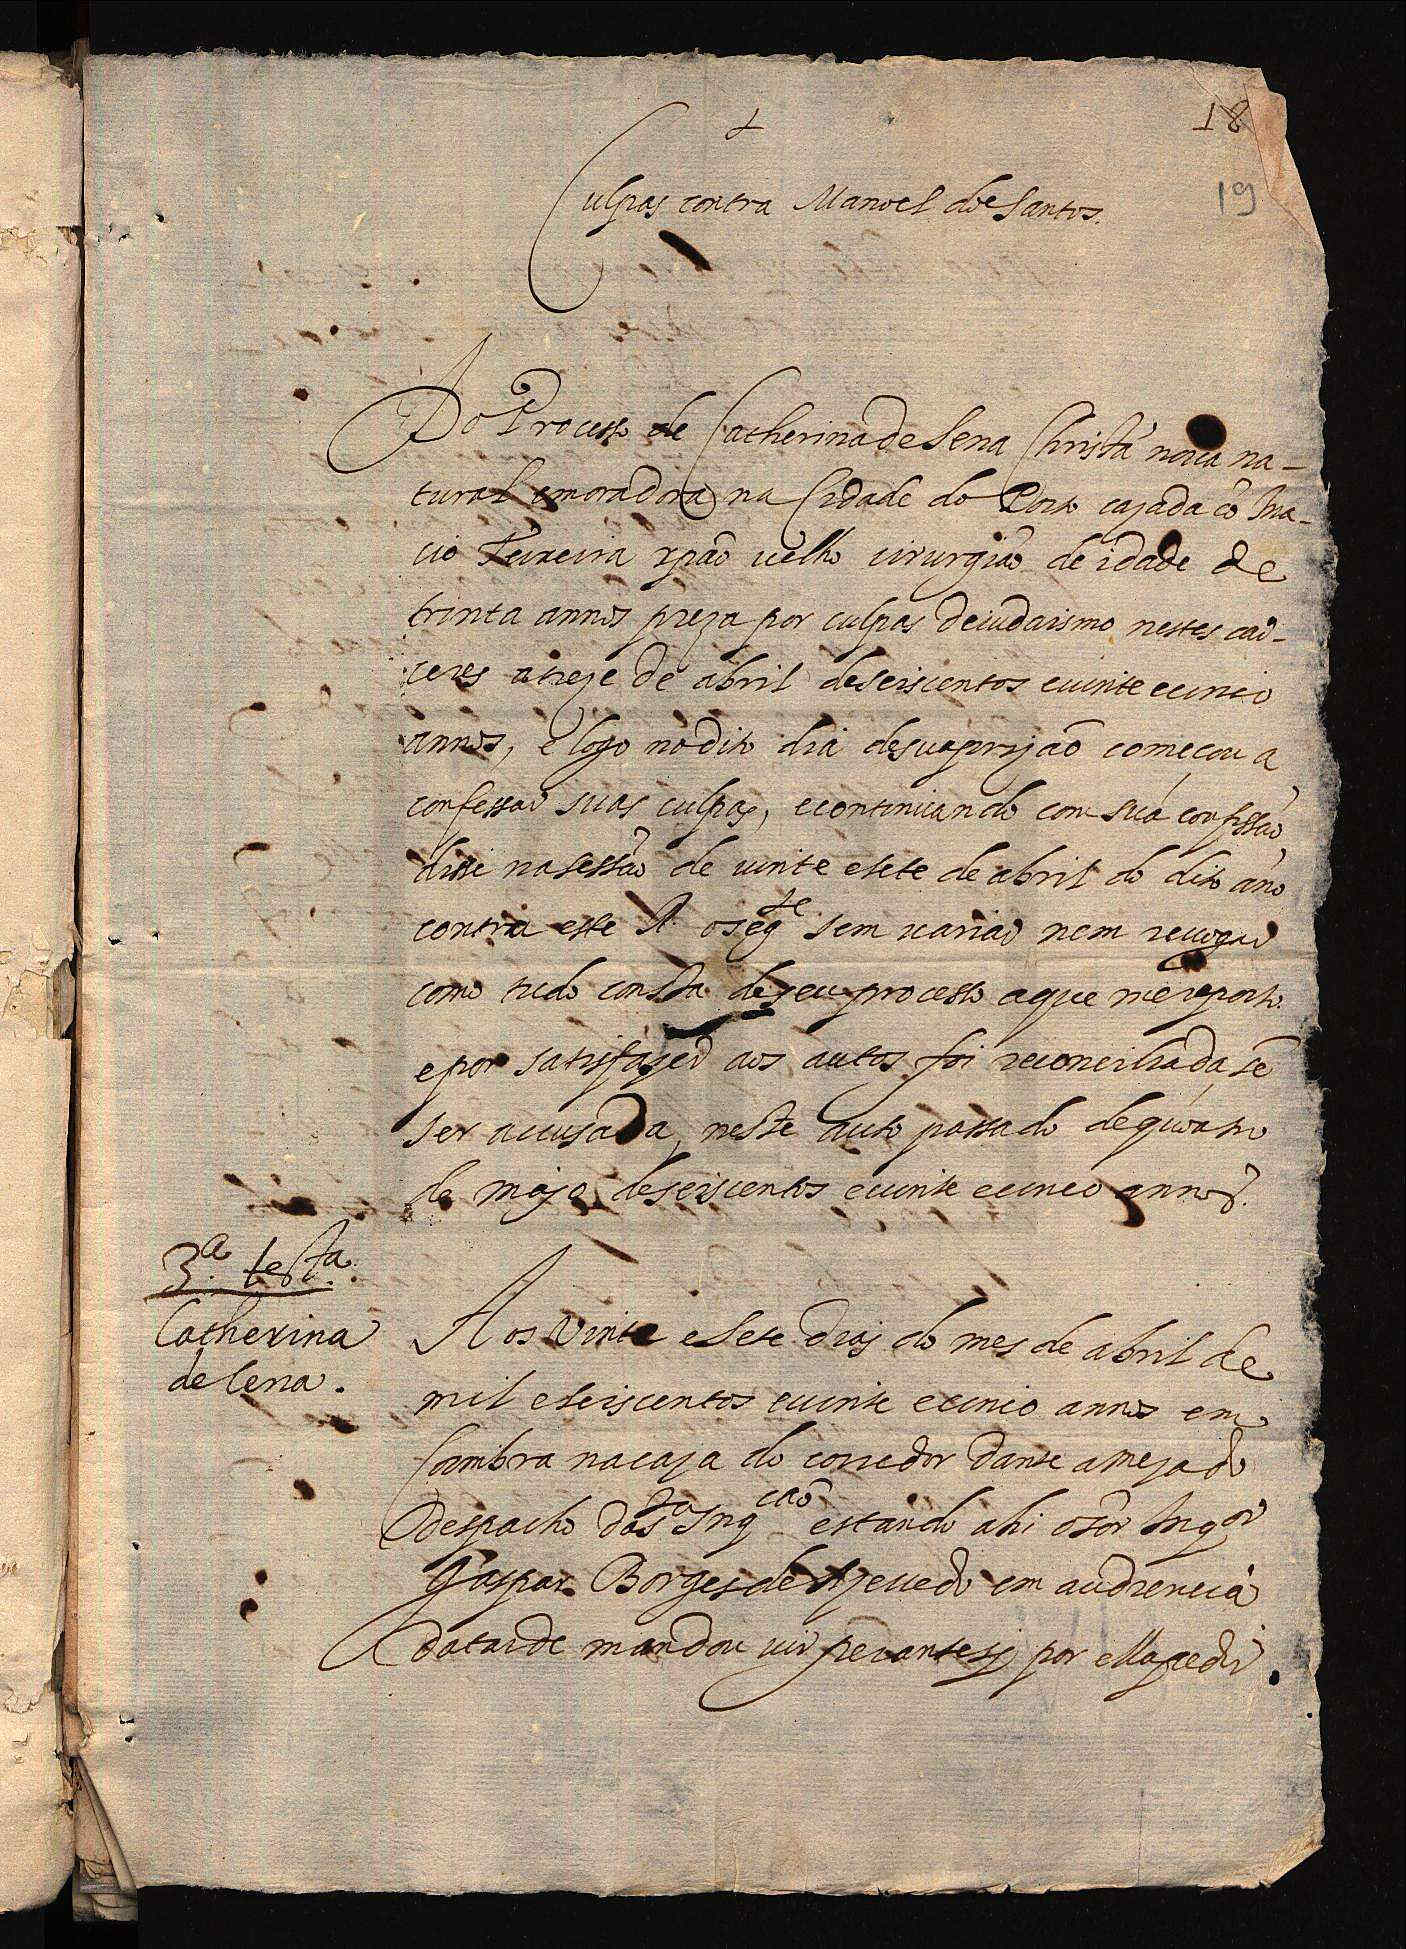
Culpas contra Manoel dos Santos
Do Processo de Catherina de Sena Chista̅ noua na
tural e moradora na Cidade do Porto cazada co̅ Ina
cio Teixeira xpão uelho cirurgião de idade de
trinta annos preza por culpa de iudaismo nestes car
ceres a treze de abril de seiscentos e uinte e cinco
annos, e logo no dito dia de sua prizão começou a
confessar suas culpas, e continuando com sua confissão
disse na sessão de uinte e sete de abril do dito ano
contra este R. o segte. sem uariar nem reuogar
como tudo consta de seu processo a que me reporto
e por satisfazer aos autos foi reconciliada, se̅
ser accusada, neste auto passado de quoatro
de majo de seiscentos e uinte e cinco annos.
Aos vinte e sete dias do mes de abril de
mil e seiscentos e uinte e cinco annos em
Coimbra na caza do corredor dante a meza do
Despacho da sta Inqcão estando ahi o so̅r Inqor
Gaspar Borges de Azevedo em audiencia
da tarde mandou uir perante sj por ella pedir
